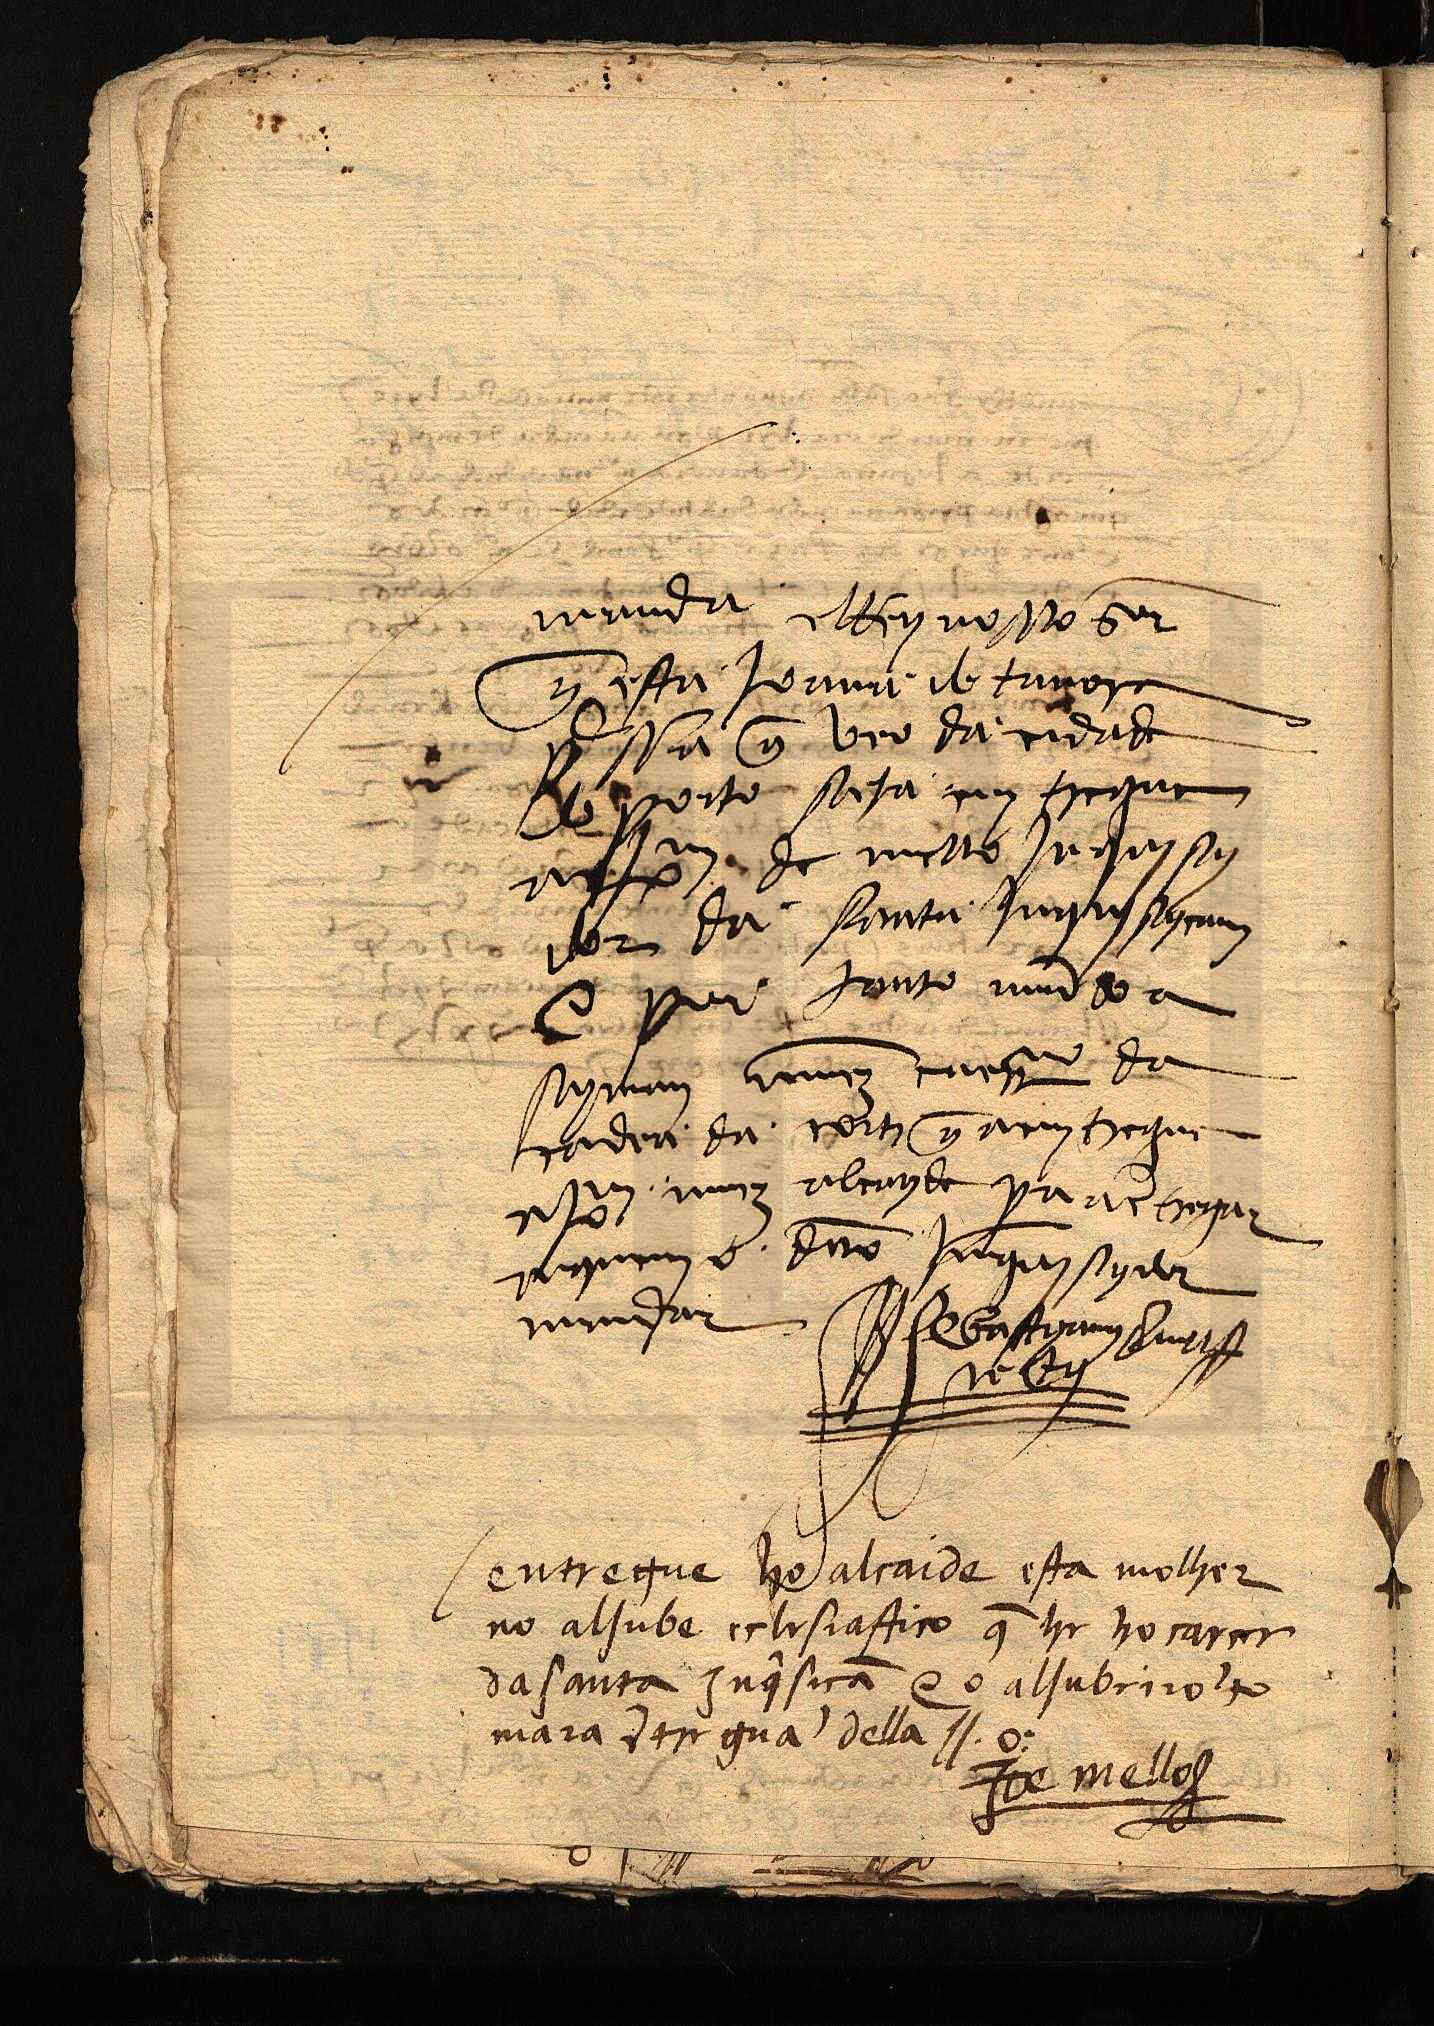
manda el Rey nosso s̄or
q̄ esta Joana de tauora
p̄ssa q̄ veo da cidade
do porto seja emtregue
a Jom de mello Jnqujsy
dor da santa Jmqujsyçam
e por tanto mādo a
symam nunez cacerrro da
cadea da corte q̄ a emtregue
a Jom nunez alcayde ꝑa a ētregar
a quem o dito Jmqujsydor
mandar
entregue ho alcaide esta molher
no alJube eclesiastico q̄ he ho carcer
da santa Jnqisiçā e o alJubeiro to
mara ētregua della //
Jo de mello
